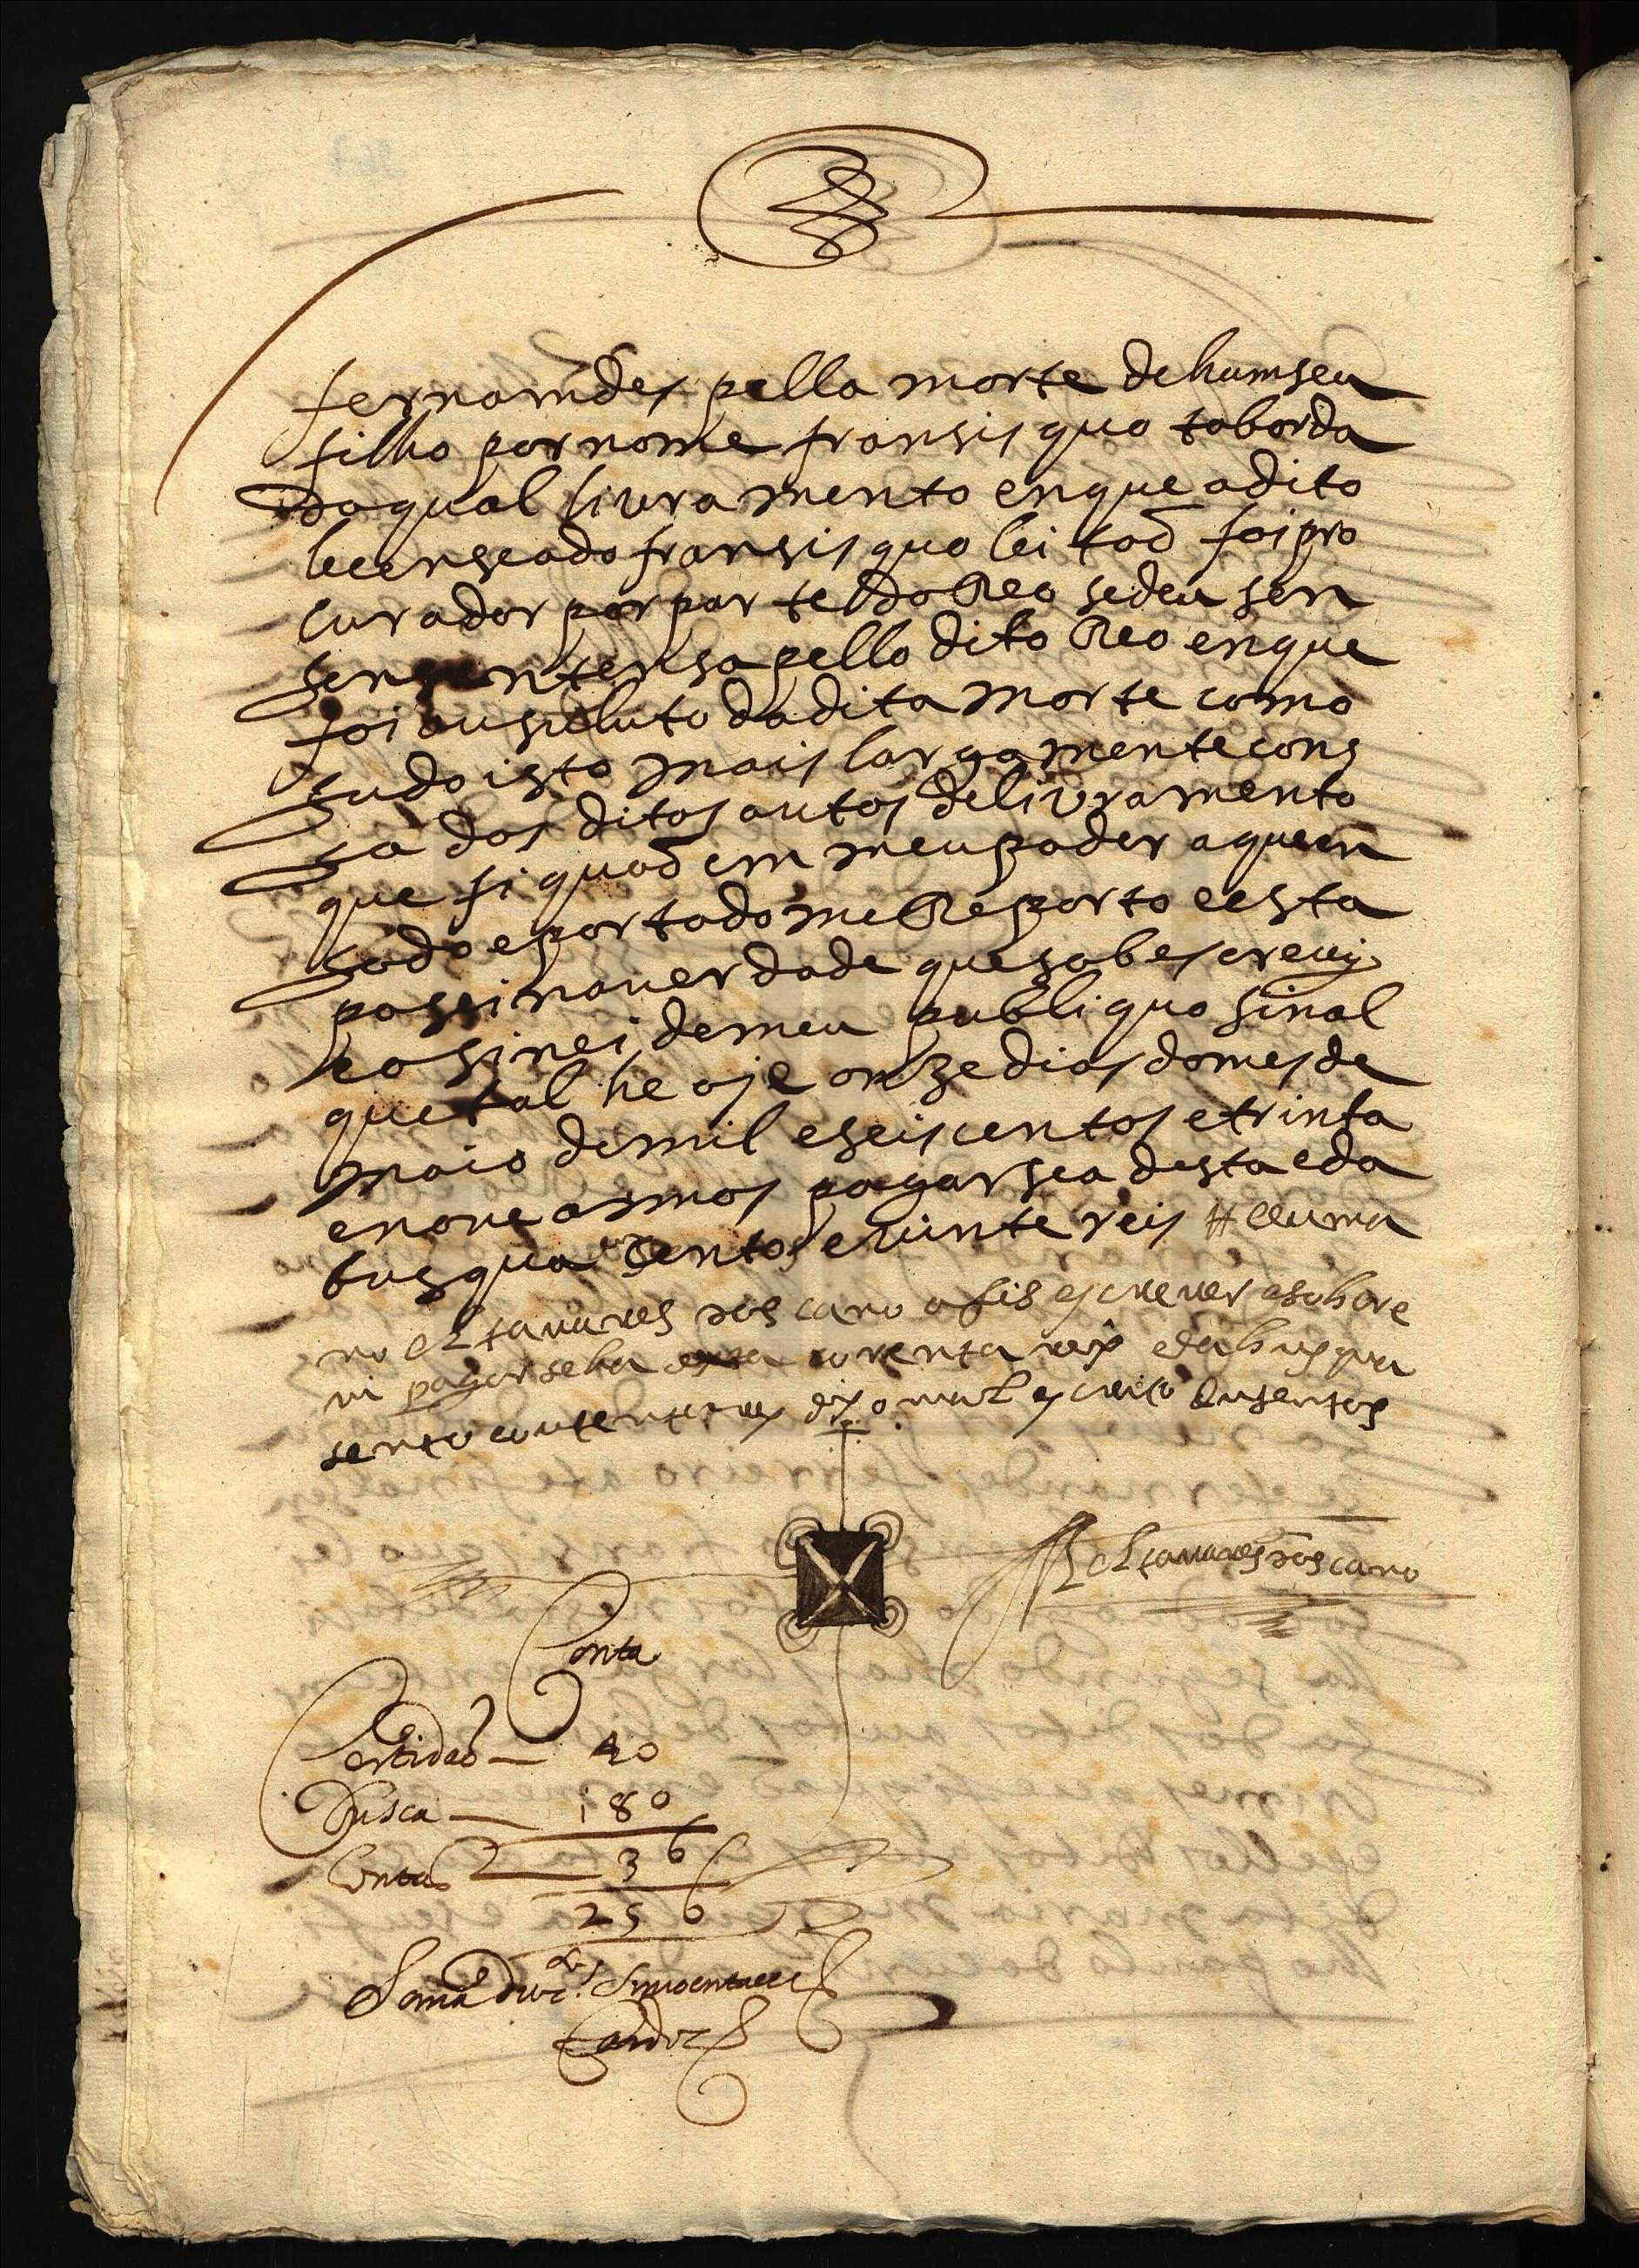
fernamdes pella morte de hum seu
filho por nome fransisquo taborda
do qual livramento en que o dito
lecenseado fransisquo leitaõ foi pro
curador por parte do Reo se deu sen
ten sentensa pello dito Reo en que
foi ausuluto da dita morte como
tudo isto mais largamente cons
ta dos ditos autos de livramento
que fiquaõ em meu poder a que en
todo e por todo me Reporto e esta
pasei na uerdade que sobescreuy
e asinei, de meu publiquo sinal
que tal he oje onze dias do mes de
maio de mil e seiscentos e trinta
e noue annos pagarsea desta e da
busqua cento e vinte reis item e eu ma
noel tauares toscano o fis escreuer e sobscre
ui pagar se ha cento corenta reis e da busqua
sento e outenta reis dis o mal escrito dusentos
Conta
Certidaõ
40
busca
i80
Conta
36
256
Soma duz.tos Sincoenta seis
